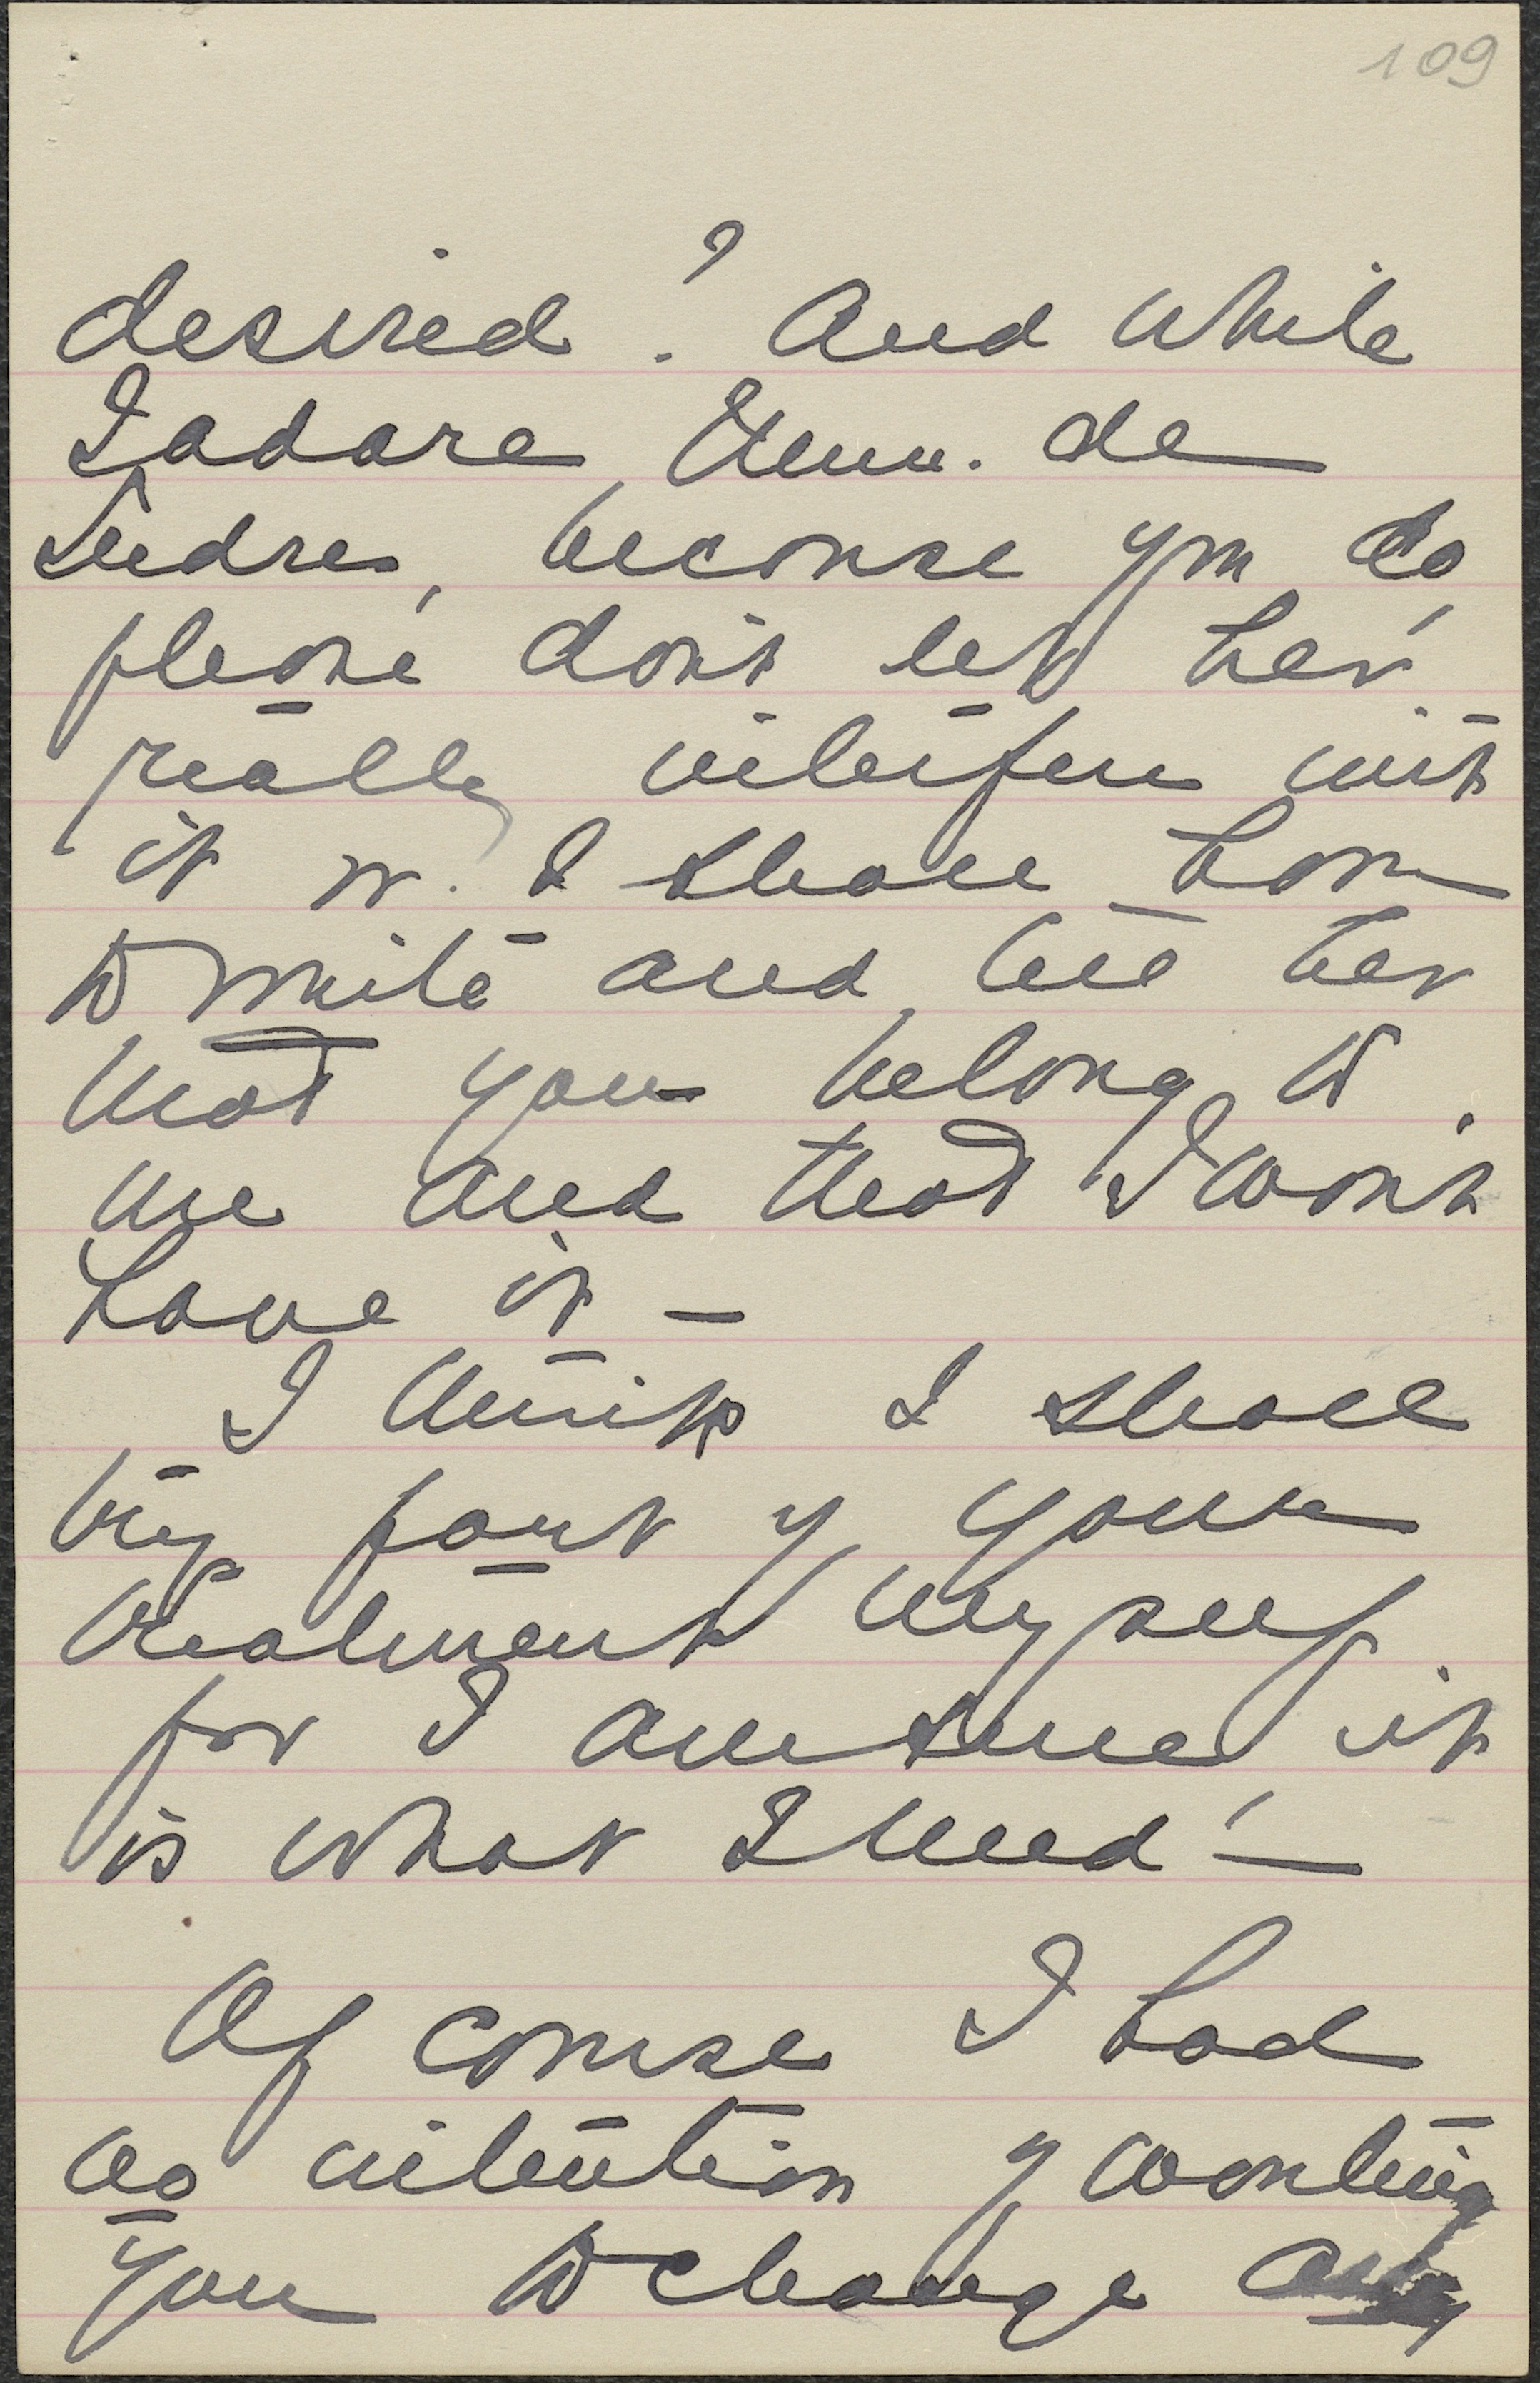desired? and while I adore Mrs. de Ludres, because you do, please don’t let her really interfere with it or I shall have to write and tell her that you belong to me and that I won’t have it –
I think I shall try part of your treatment myself for I am sure it is what I need –
Of course I had no intention of wanting you to change any